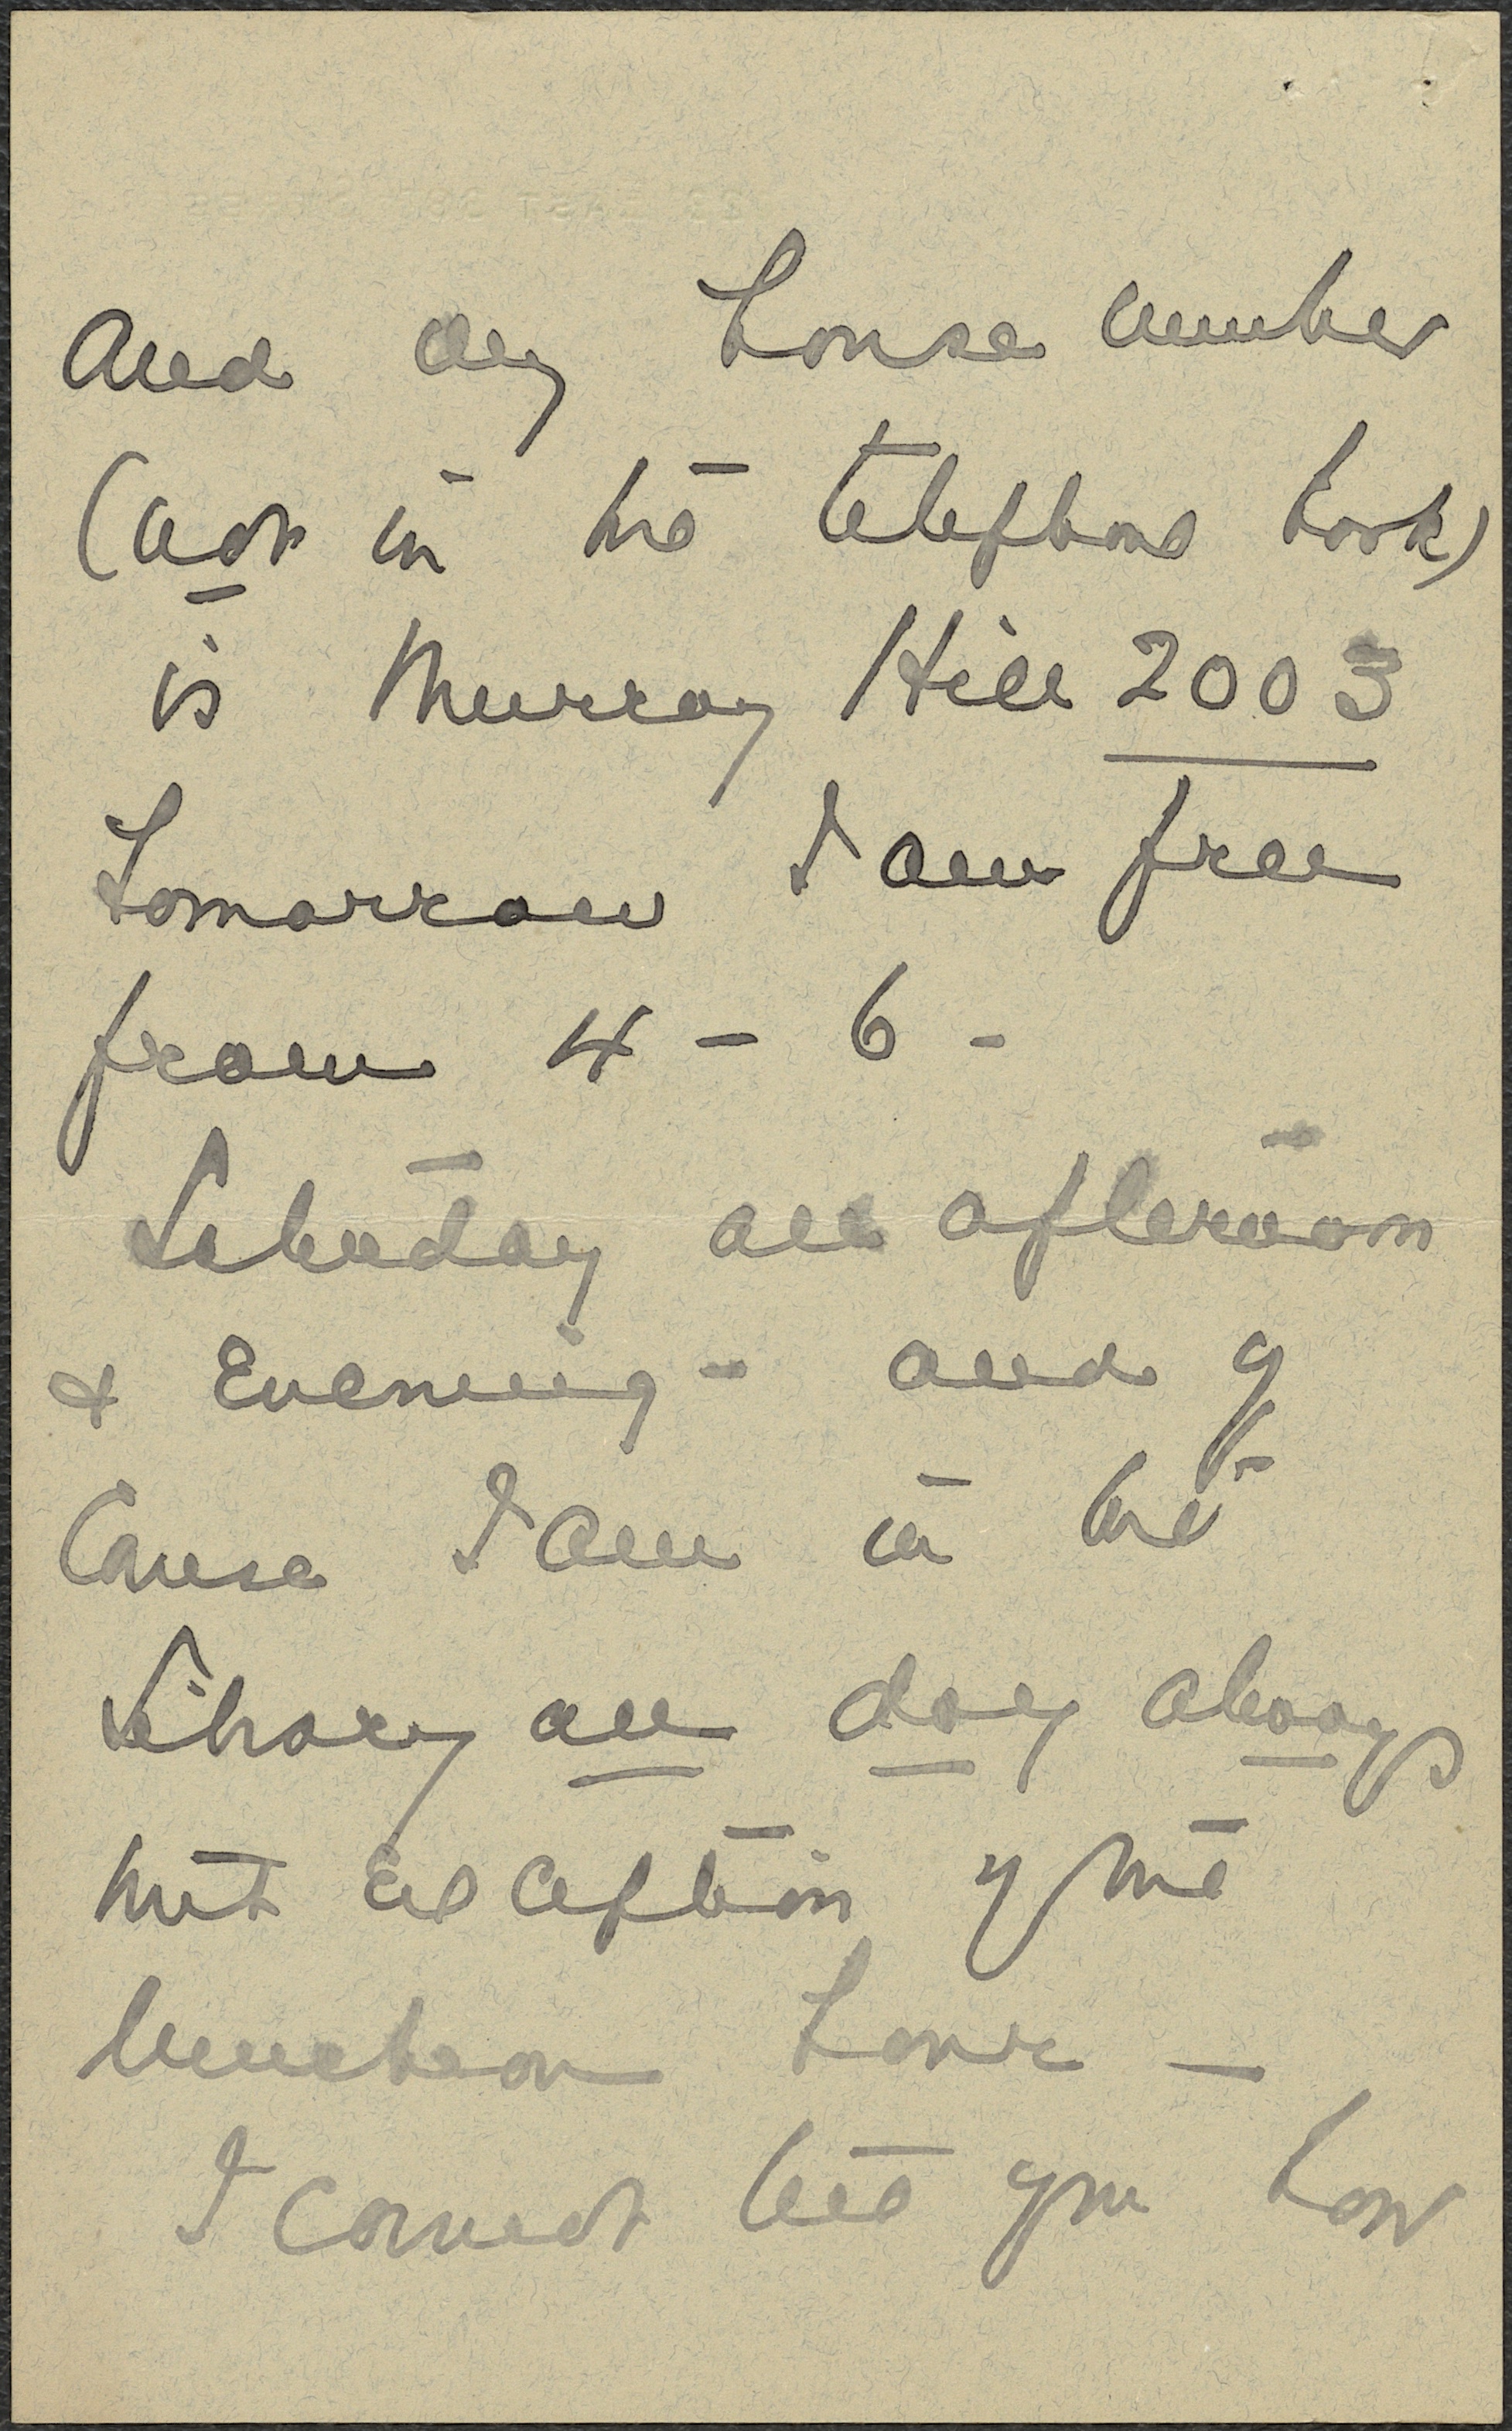and my house number (not in the telephone book) is Murray Hill 2003
Tomorrow I am free from 4–6 –
Saturday all afternoon & evening – and of course I am in the Library all day always with exception of the luncheon hour –
I cannot tell you how